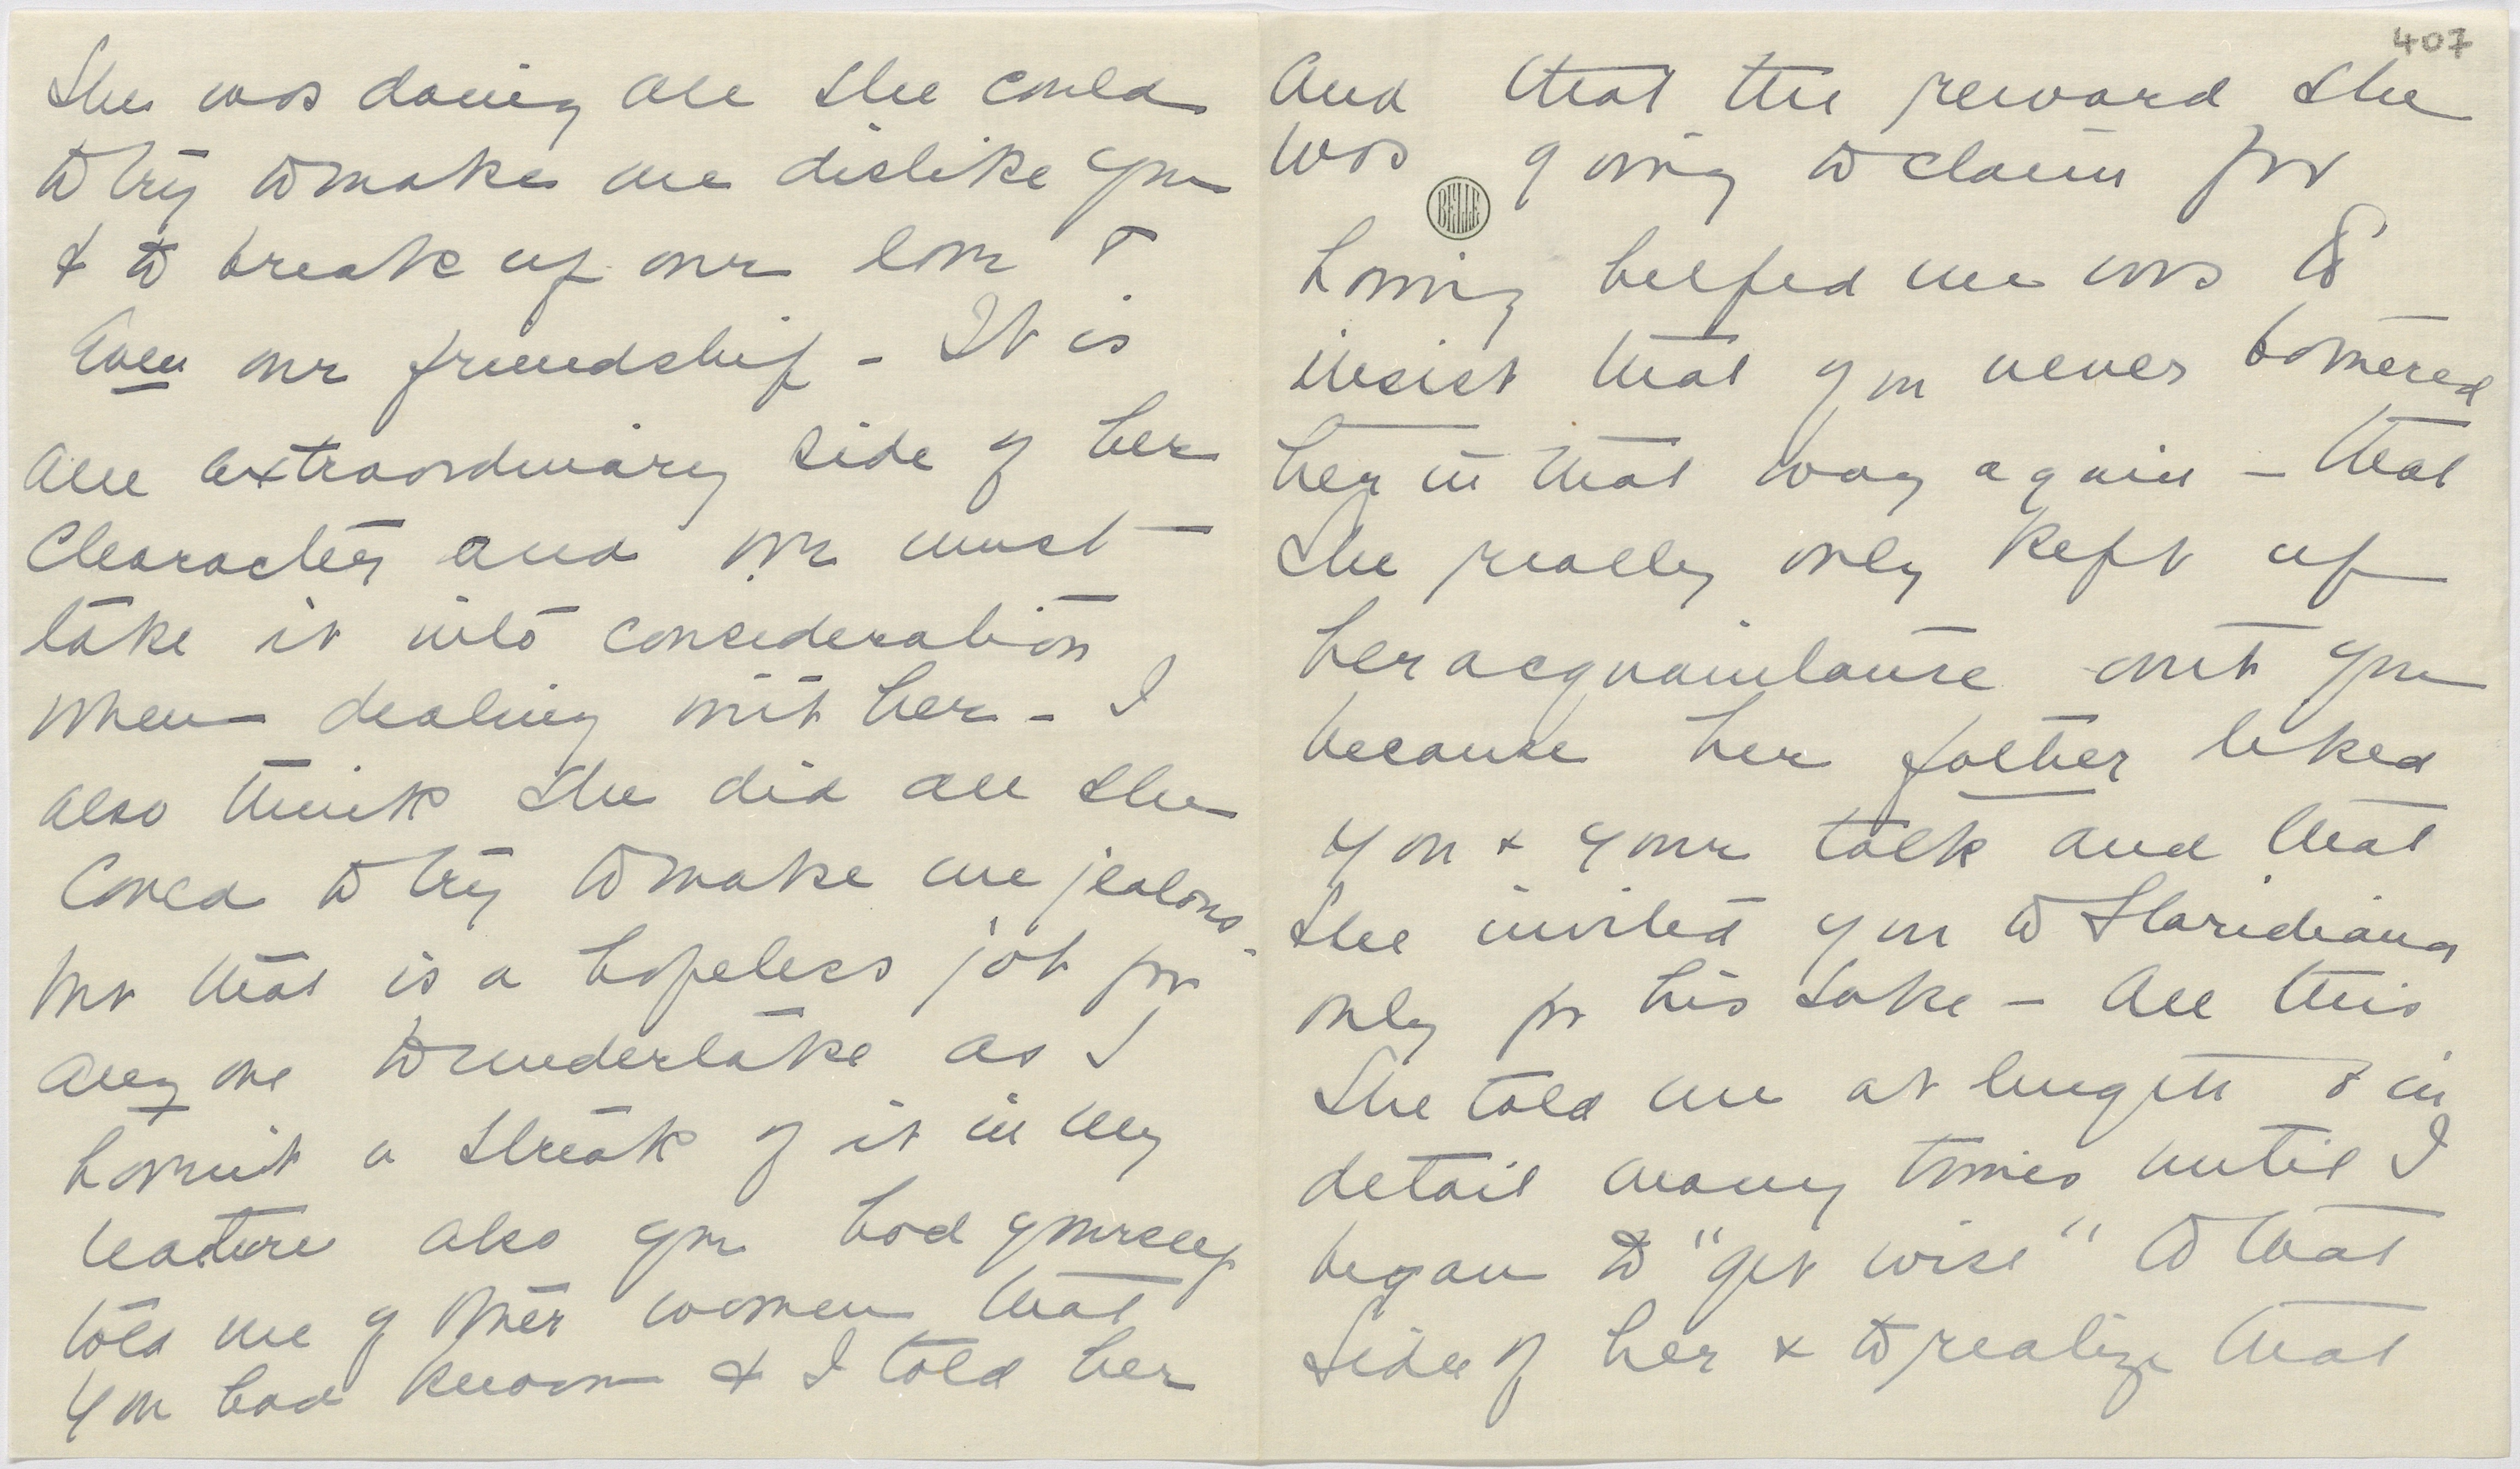and that the reward she was going to claim for having helped me was to insist that you never bothered her in that way again – that she really only kept up her acquaintance with you because her father liked you & your talk and that she invited you to Floridiana only for his sake – All this she told me at length & in detail many times until I began to “get wise” to that side of her & to realize that
she was doing all she could to try to make me dislike you & to break up our love & even our friendship – It is one extraordinary side of her character and we must take it into consideration when dealing with her – I also think she did all she could to try to make me jealous – but that is a hopeless job for any one to undertake as I haven’t a streak of it in my nature also you had yourself told me of other women that you had known & I told her